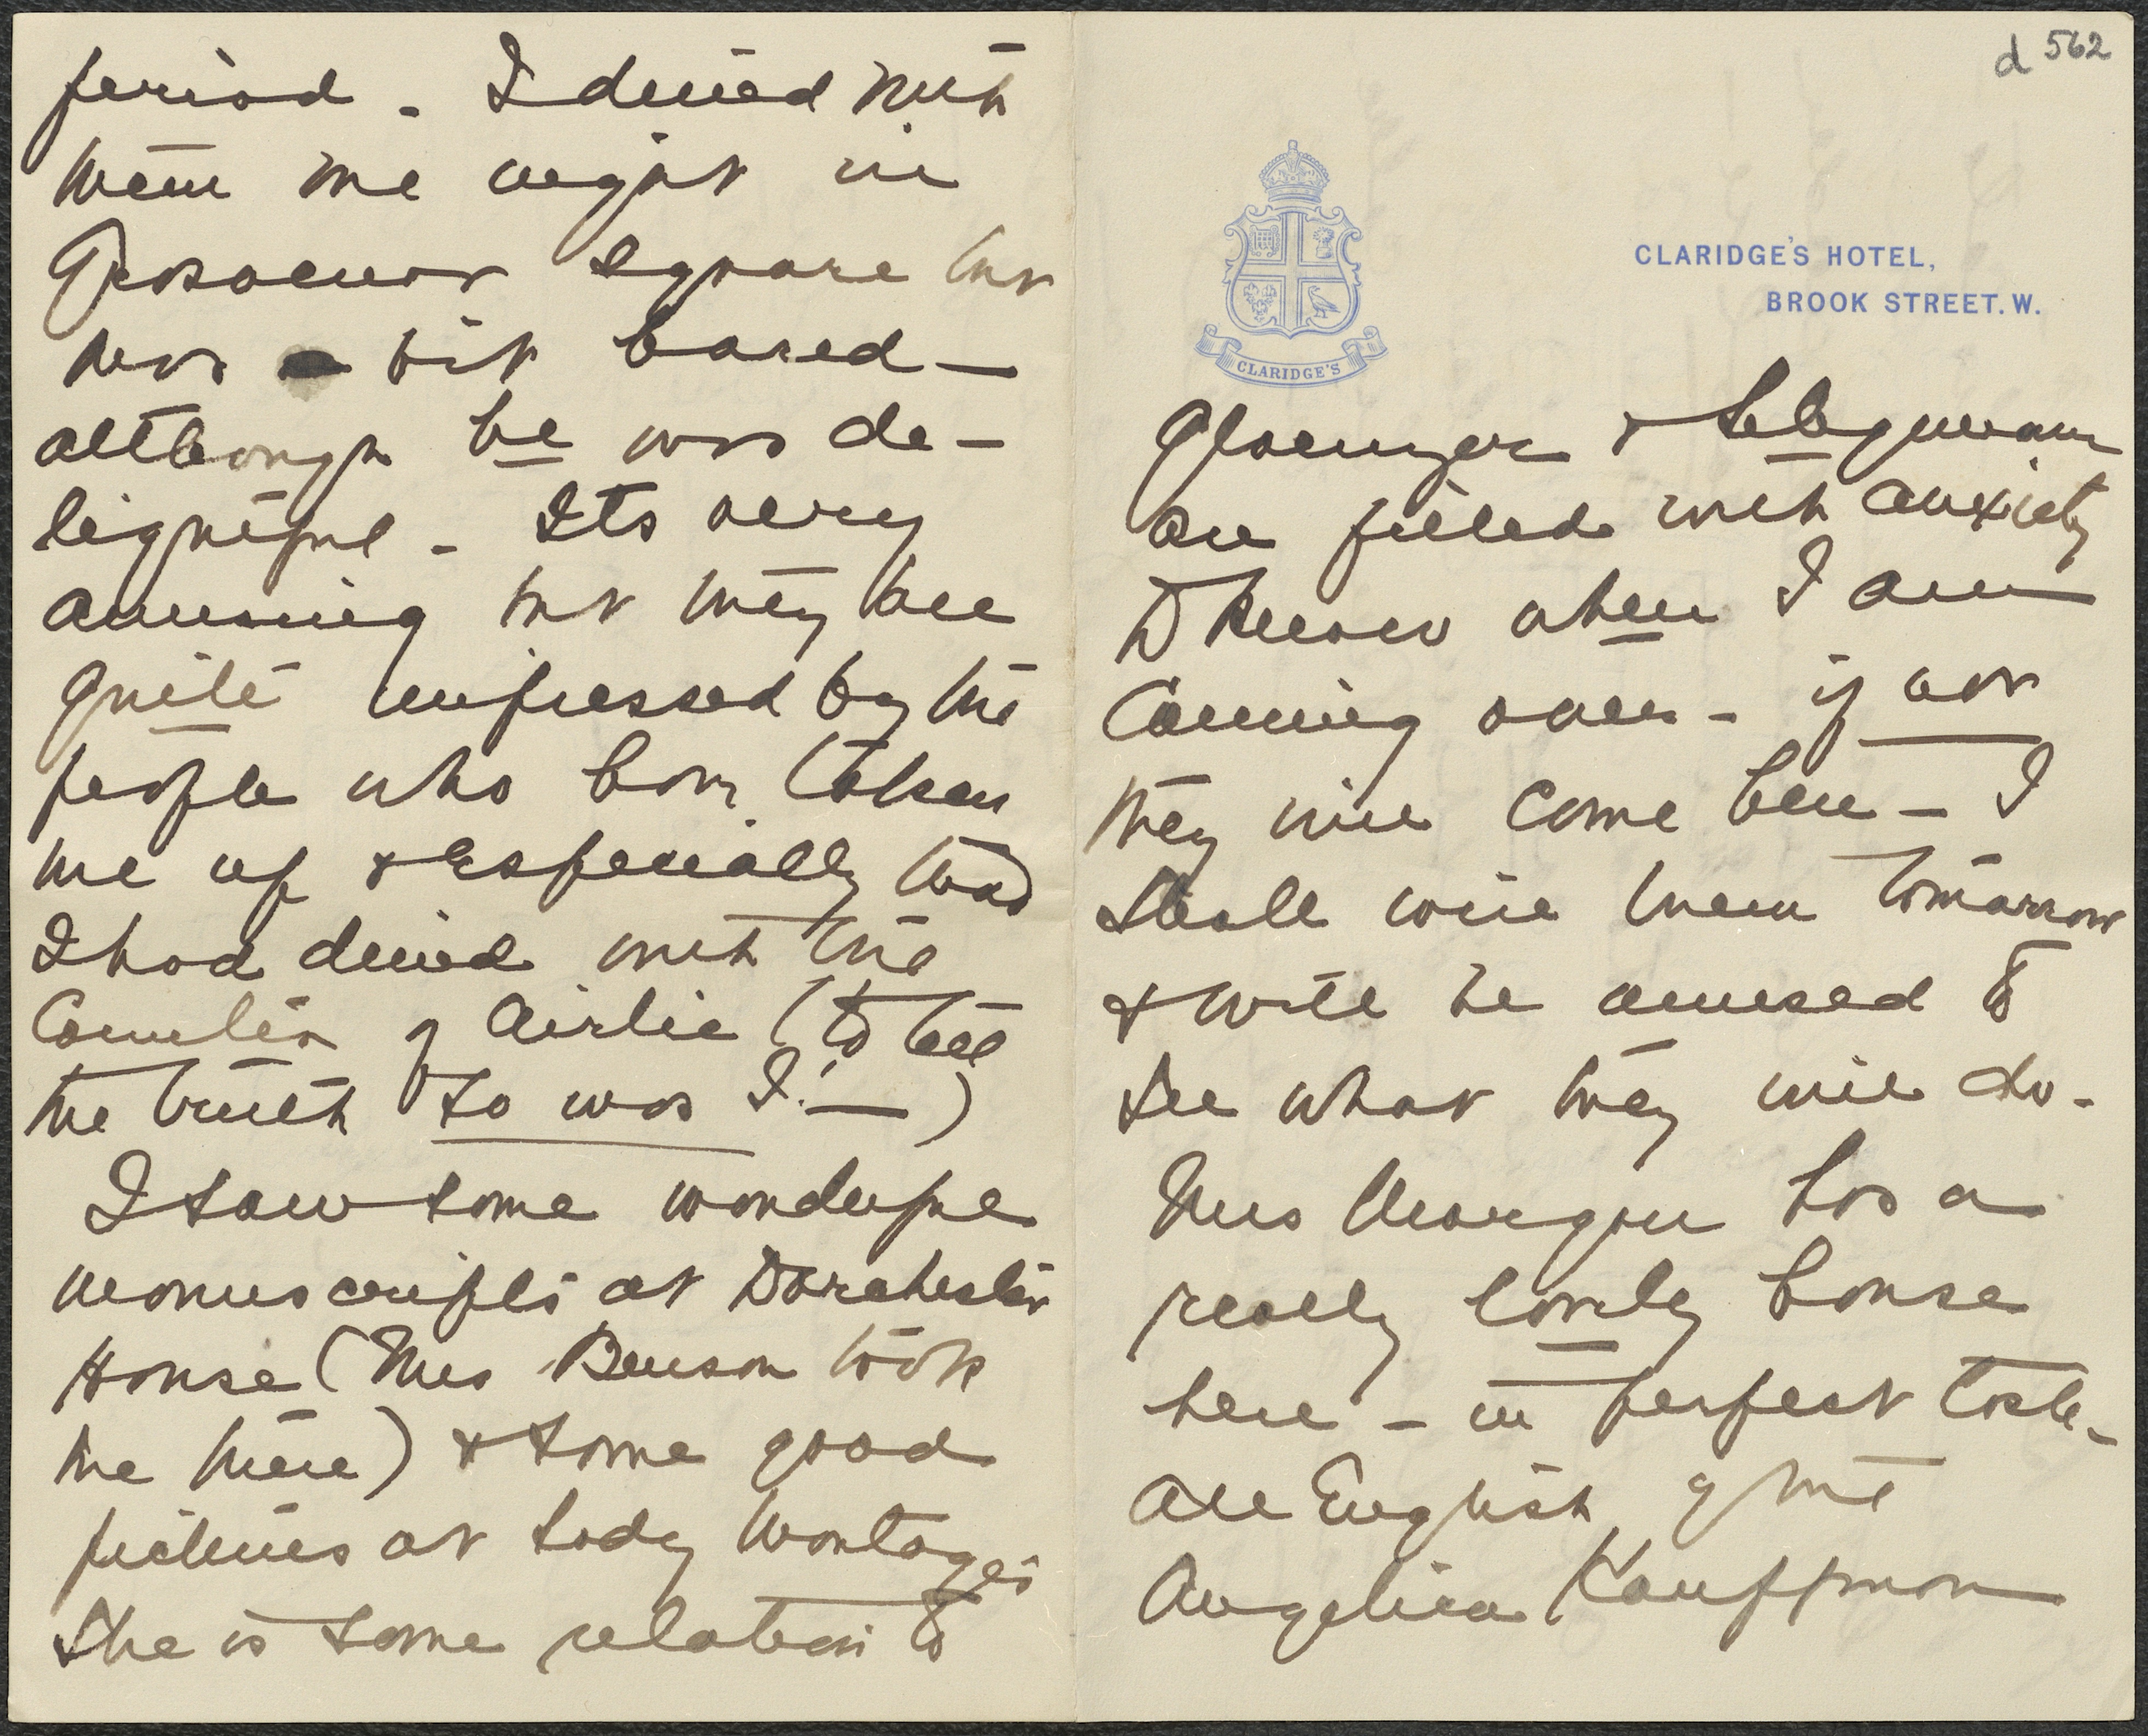Glaenzer & Seligmann are filled with anxiety to know when I am coming over – if not they will come here – I shall wire them tomorrow & will be amused to see what they will do – Mrs. Morgan has a really lovely house here – in perfect taste – all English, of the Angelica Hauffman
period – I dined with them one night in Grosvenor Square but was a bit bored – although he was delightful – Its very amusing but they are quite impressed by the people who have taken me up & especially that I had dined with the Camelia of Airlie (to tell the truth so was I! –)
I saw some wonderful manuscripts at Dorchester House (Mrs. Benson took me there) & some good pictures at Lady Montage’s She is some relation to